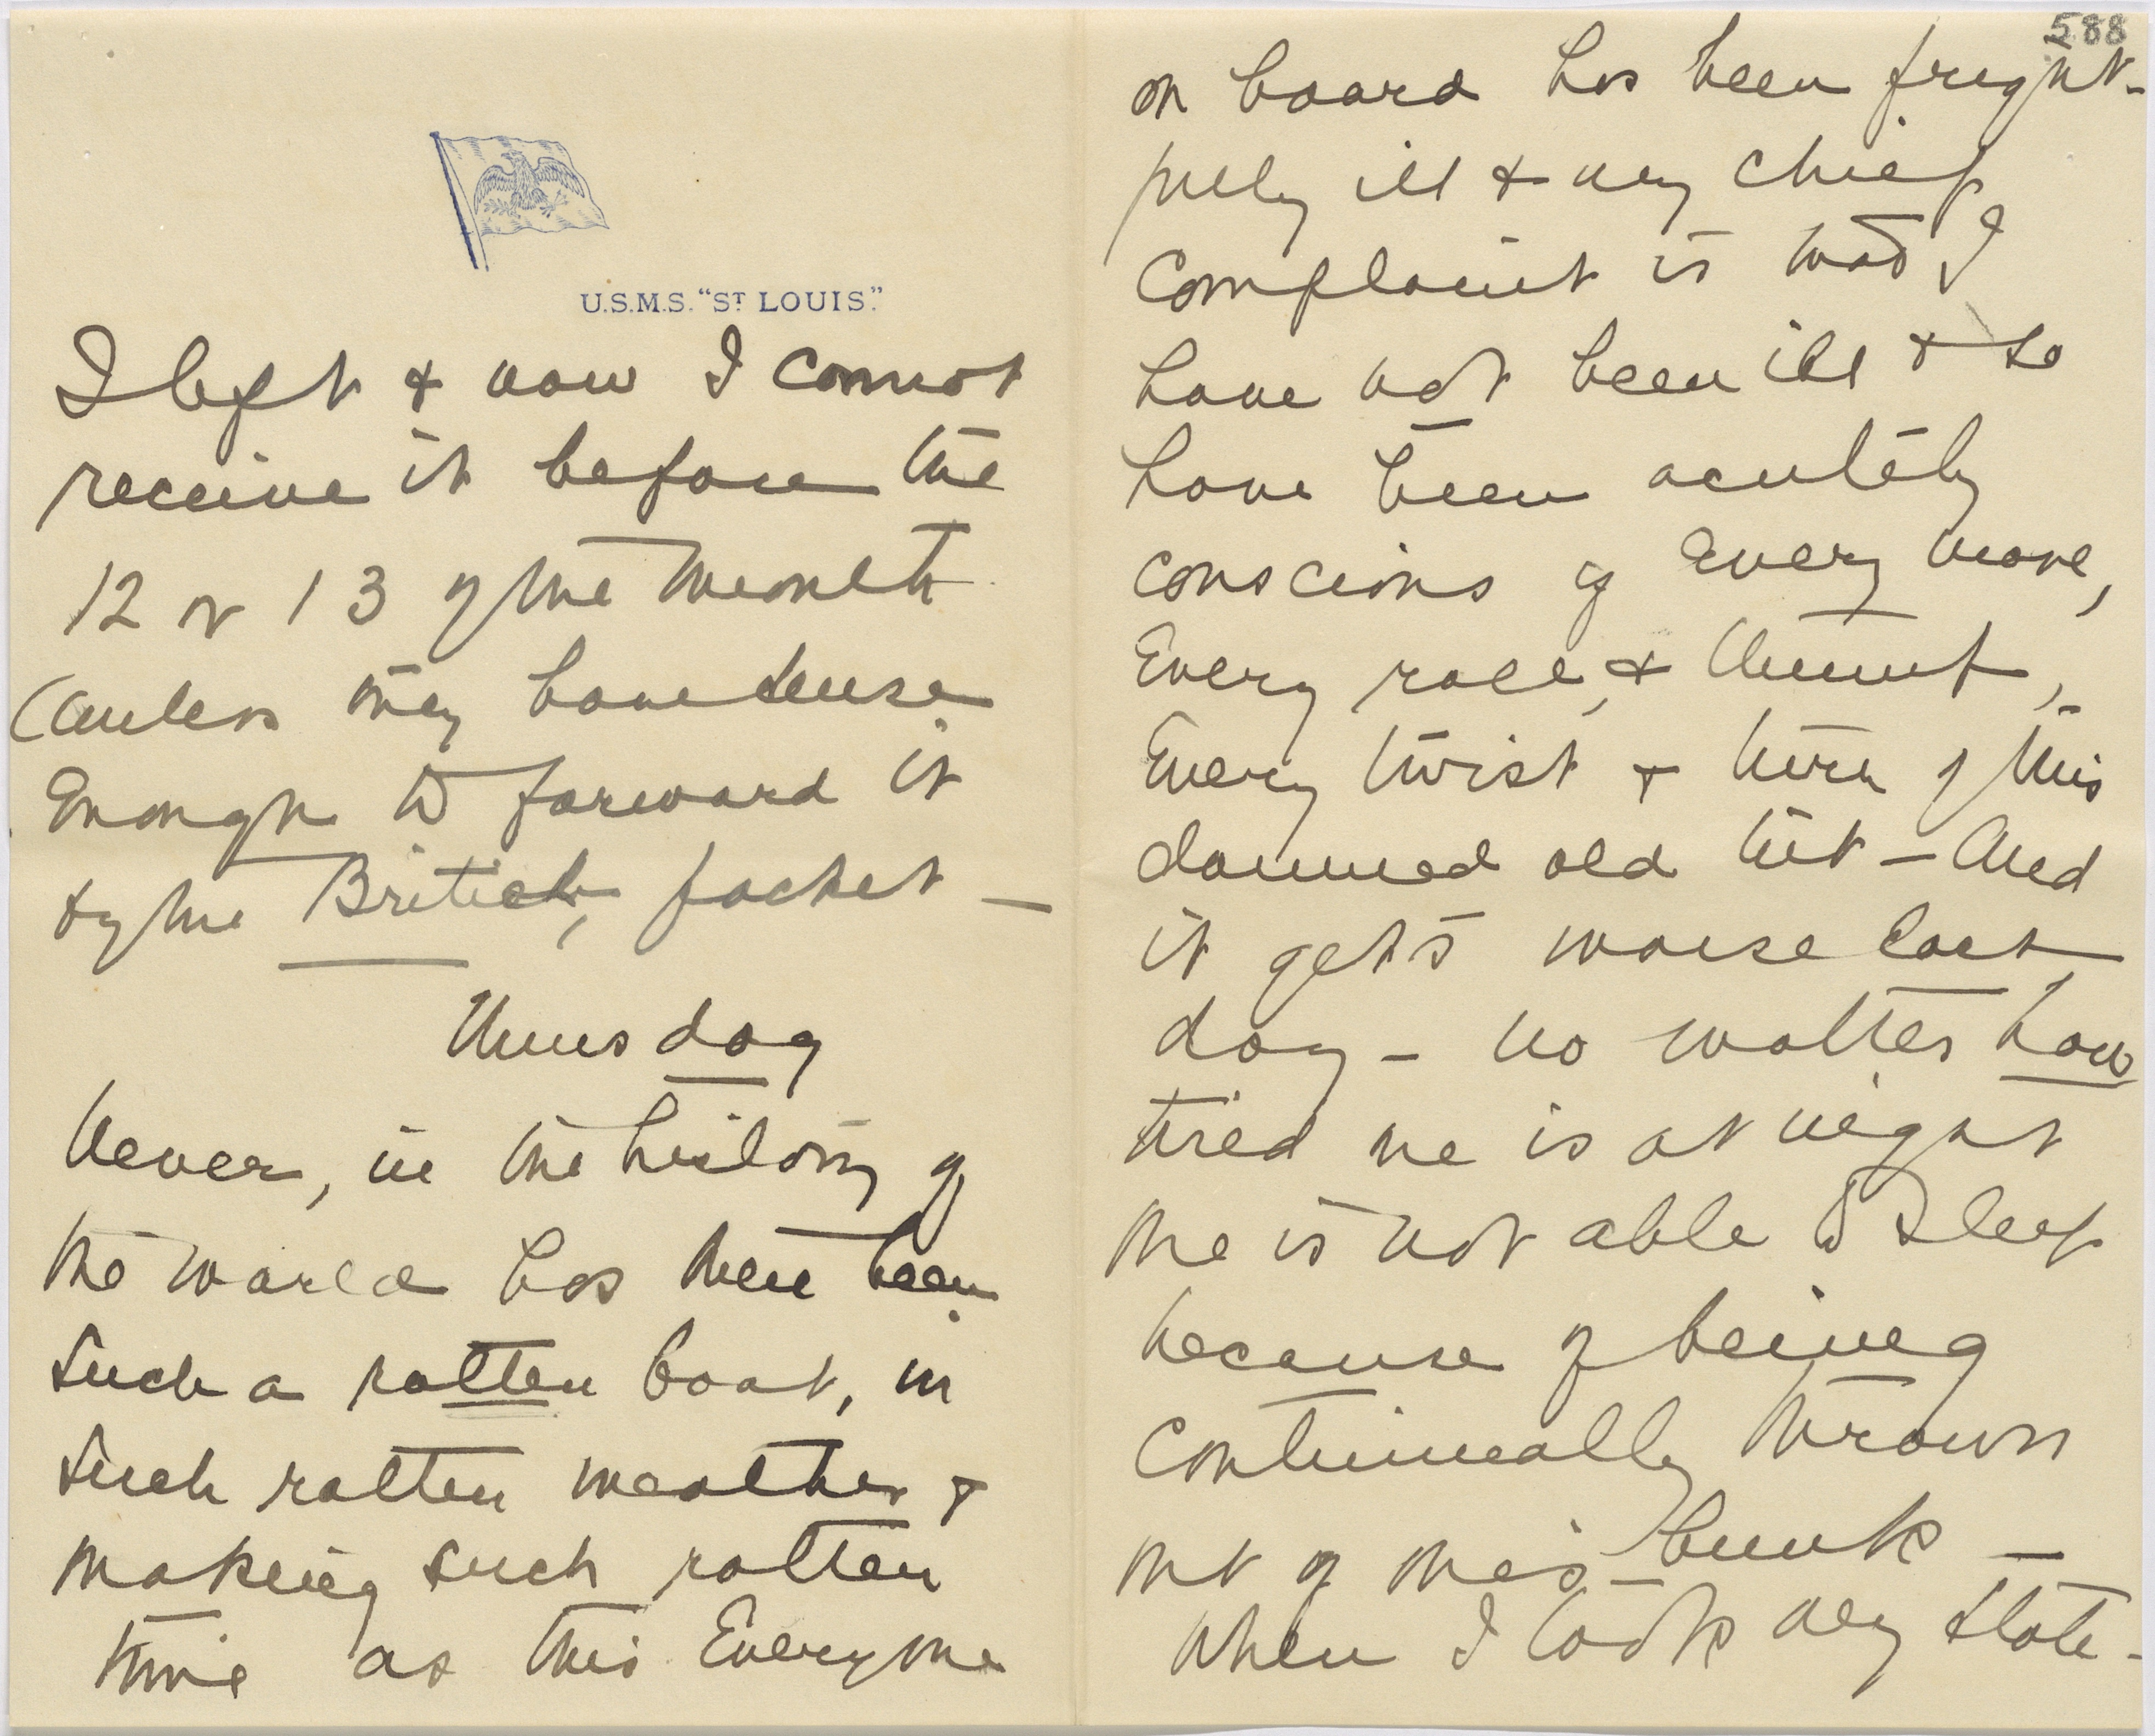I left & now I cannot receive it before the 12 or 13 of the month – (unless they have sense enough to forward it by the British packet –
Thursday
Never, in the history of the world has there been such a rotten boat, in such rotten weather & making such rotten time as this. Everyone
on board has been frightfully ill & my chief complaint is that I have not been ill & so have been acutely conscious of every move, every roll, & thunk, every twist & turn of this damned old tub – And it gets worse each day – no matter how tired one is at night one is not able to sleep because of being continually thrown out of one’s bunk –
When I took my stateroom